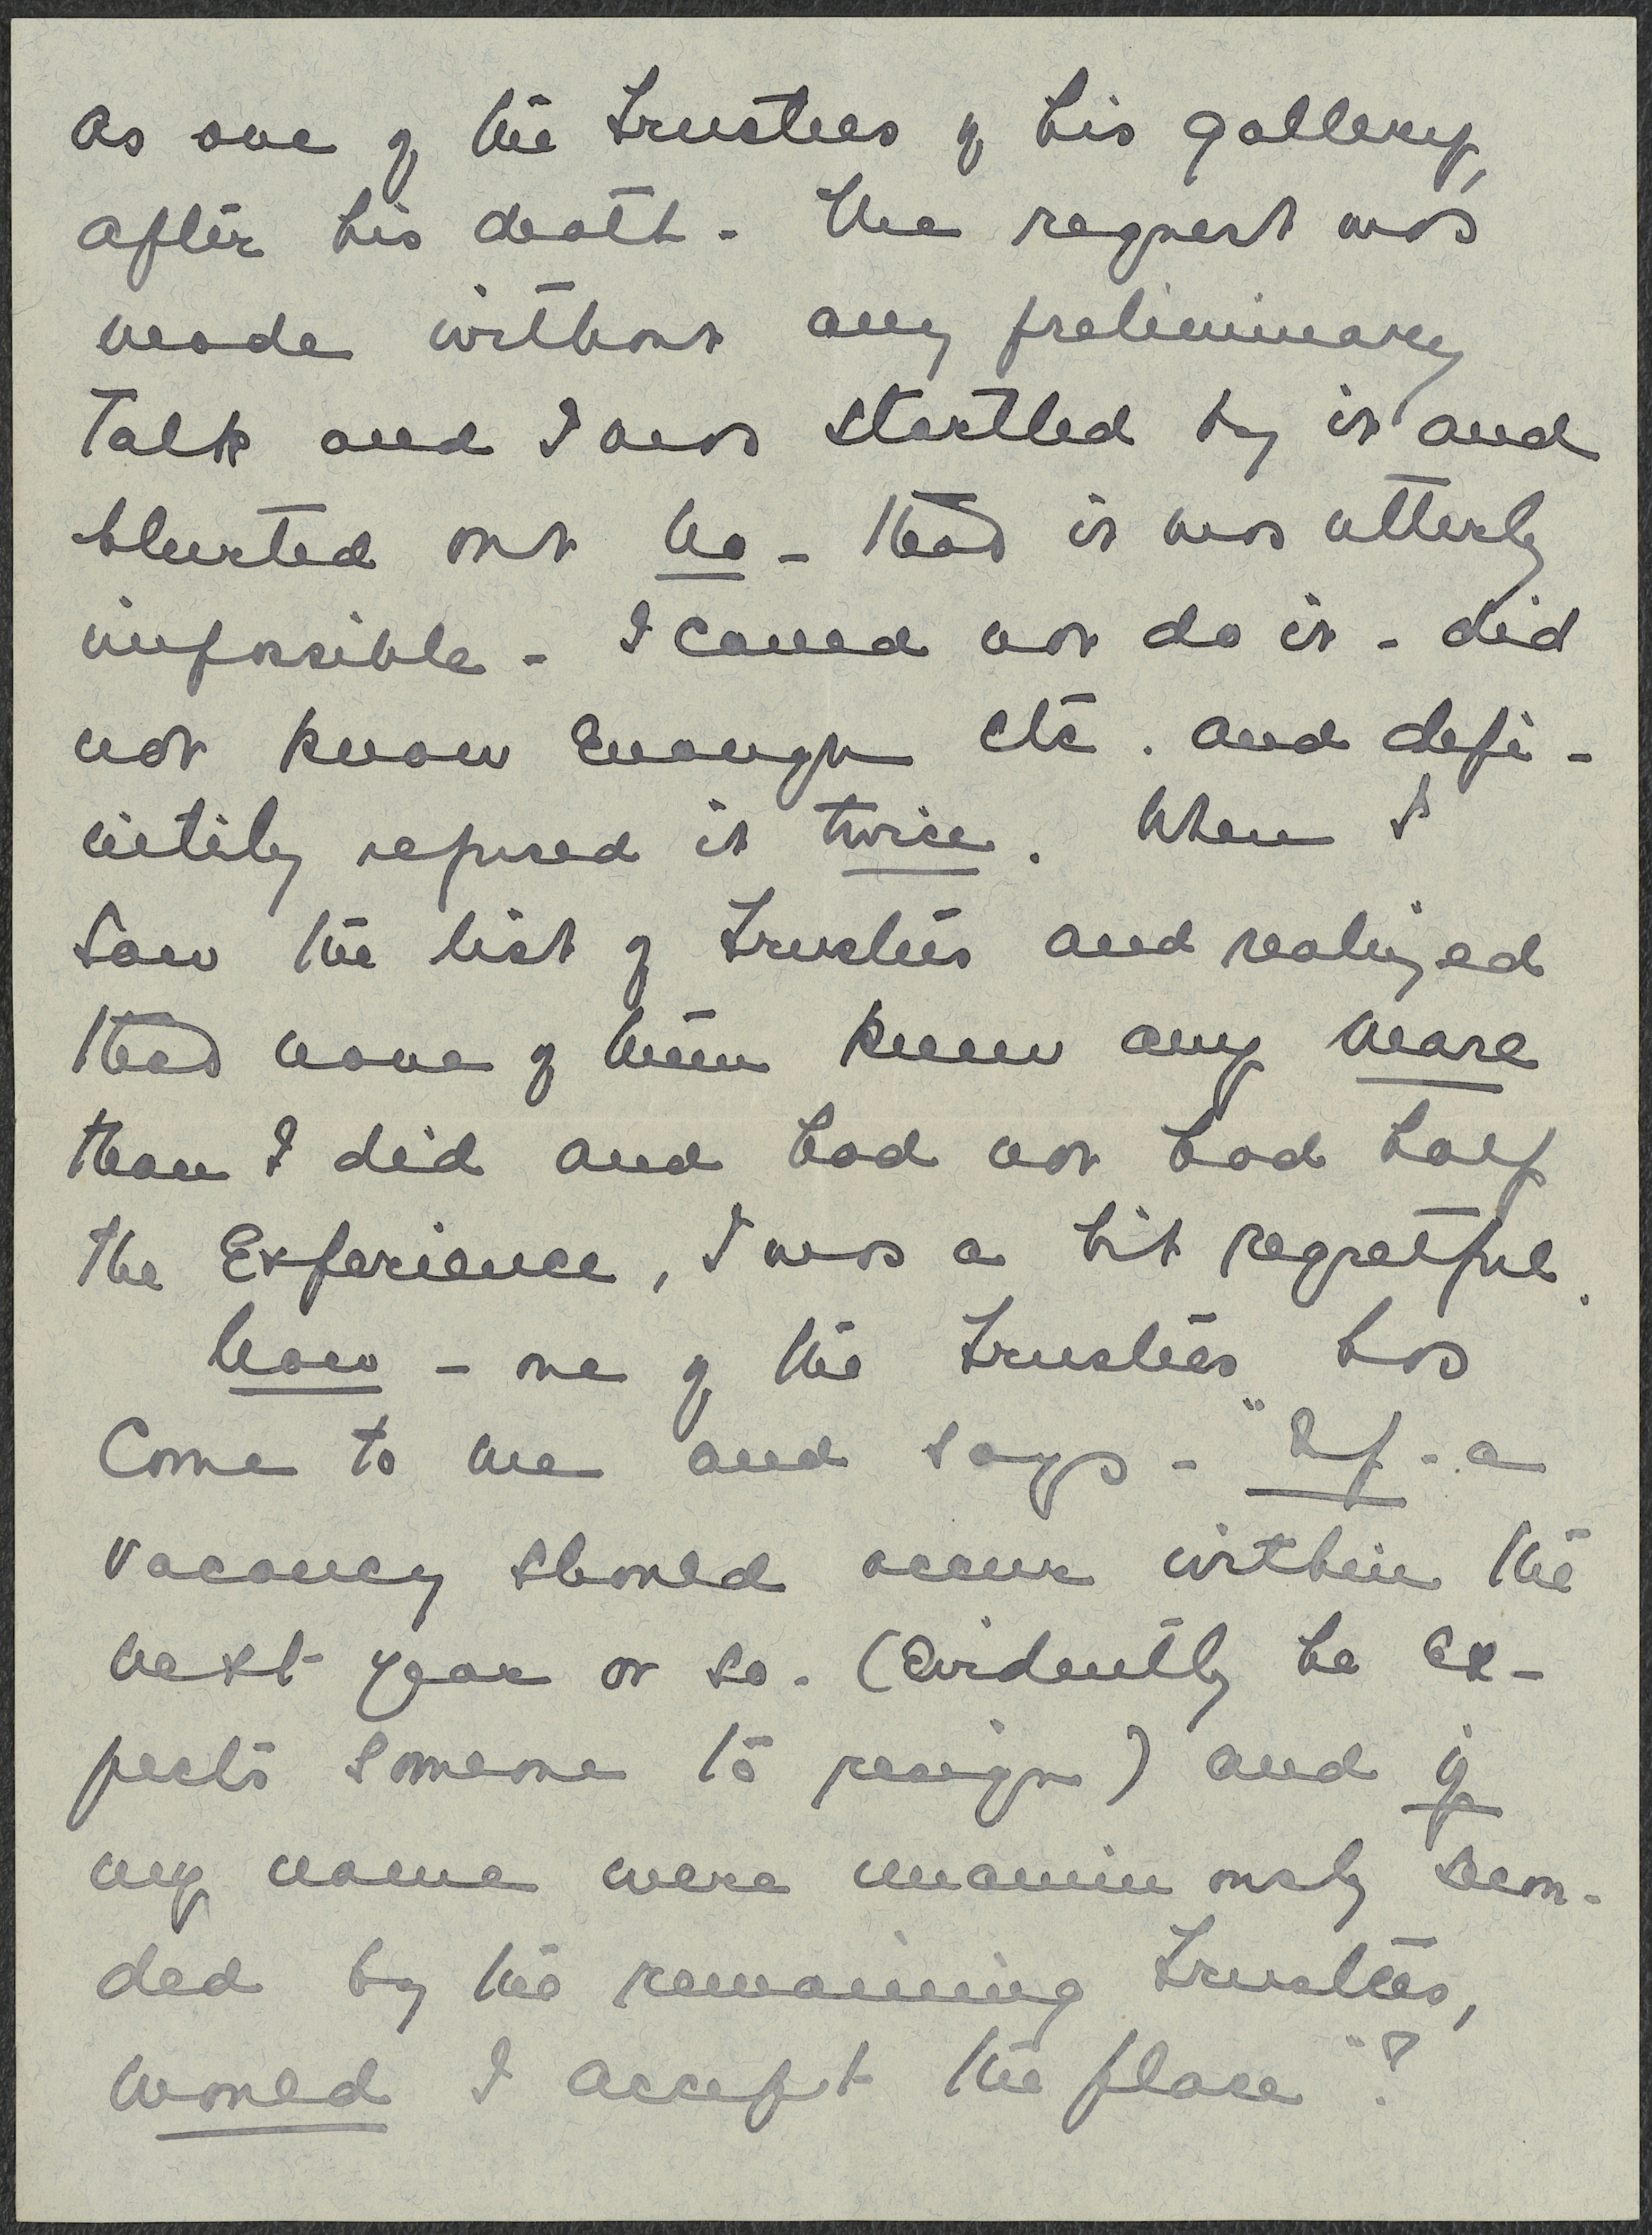as one of the Trustees of his gallery, after his death. The request was made without any preliminary talk and I was startled by it and blurted out no – that it was utterly impossible – I could not do it – did not know enough etc. and definitily [sic] refused it twice. When I saw the list of Trustees and realized that none of them knew any more than I did and had not had half the Experience, I was a bit regretful.
Now – one of the Trustees has come to me and says – “If a vacancy should occur within the next year or so – (evidently he expects someone to resign) and if my name were unanimously seconded by the remaining Trustees, would I accept the place”?